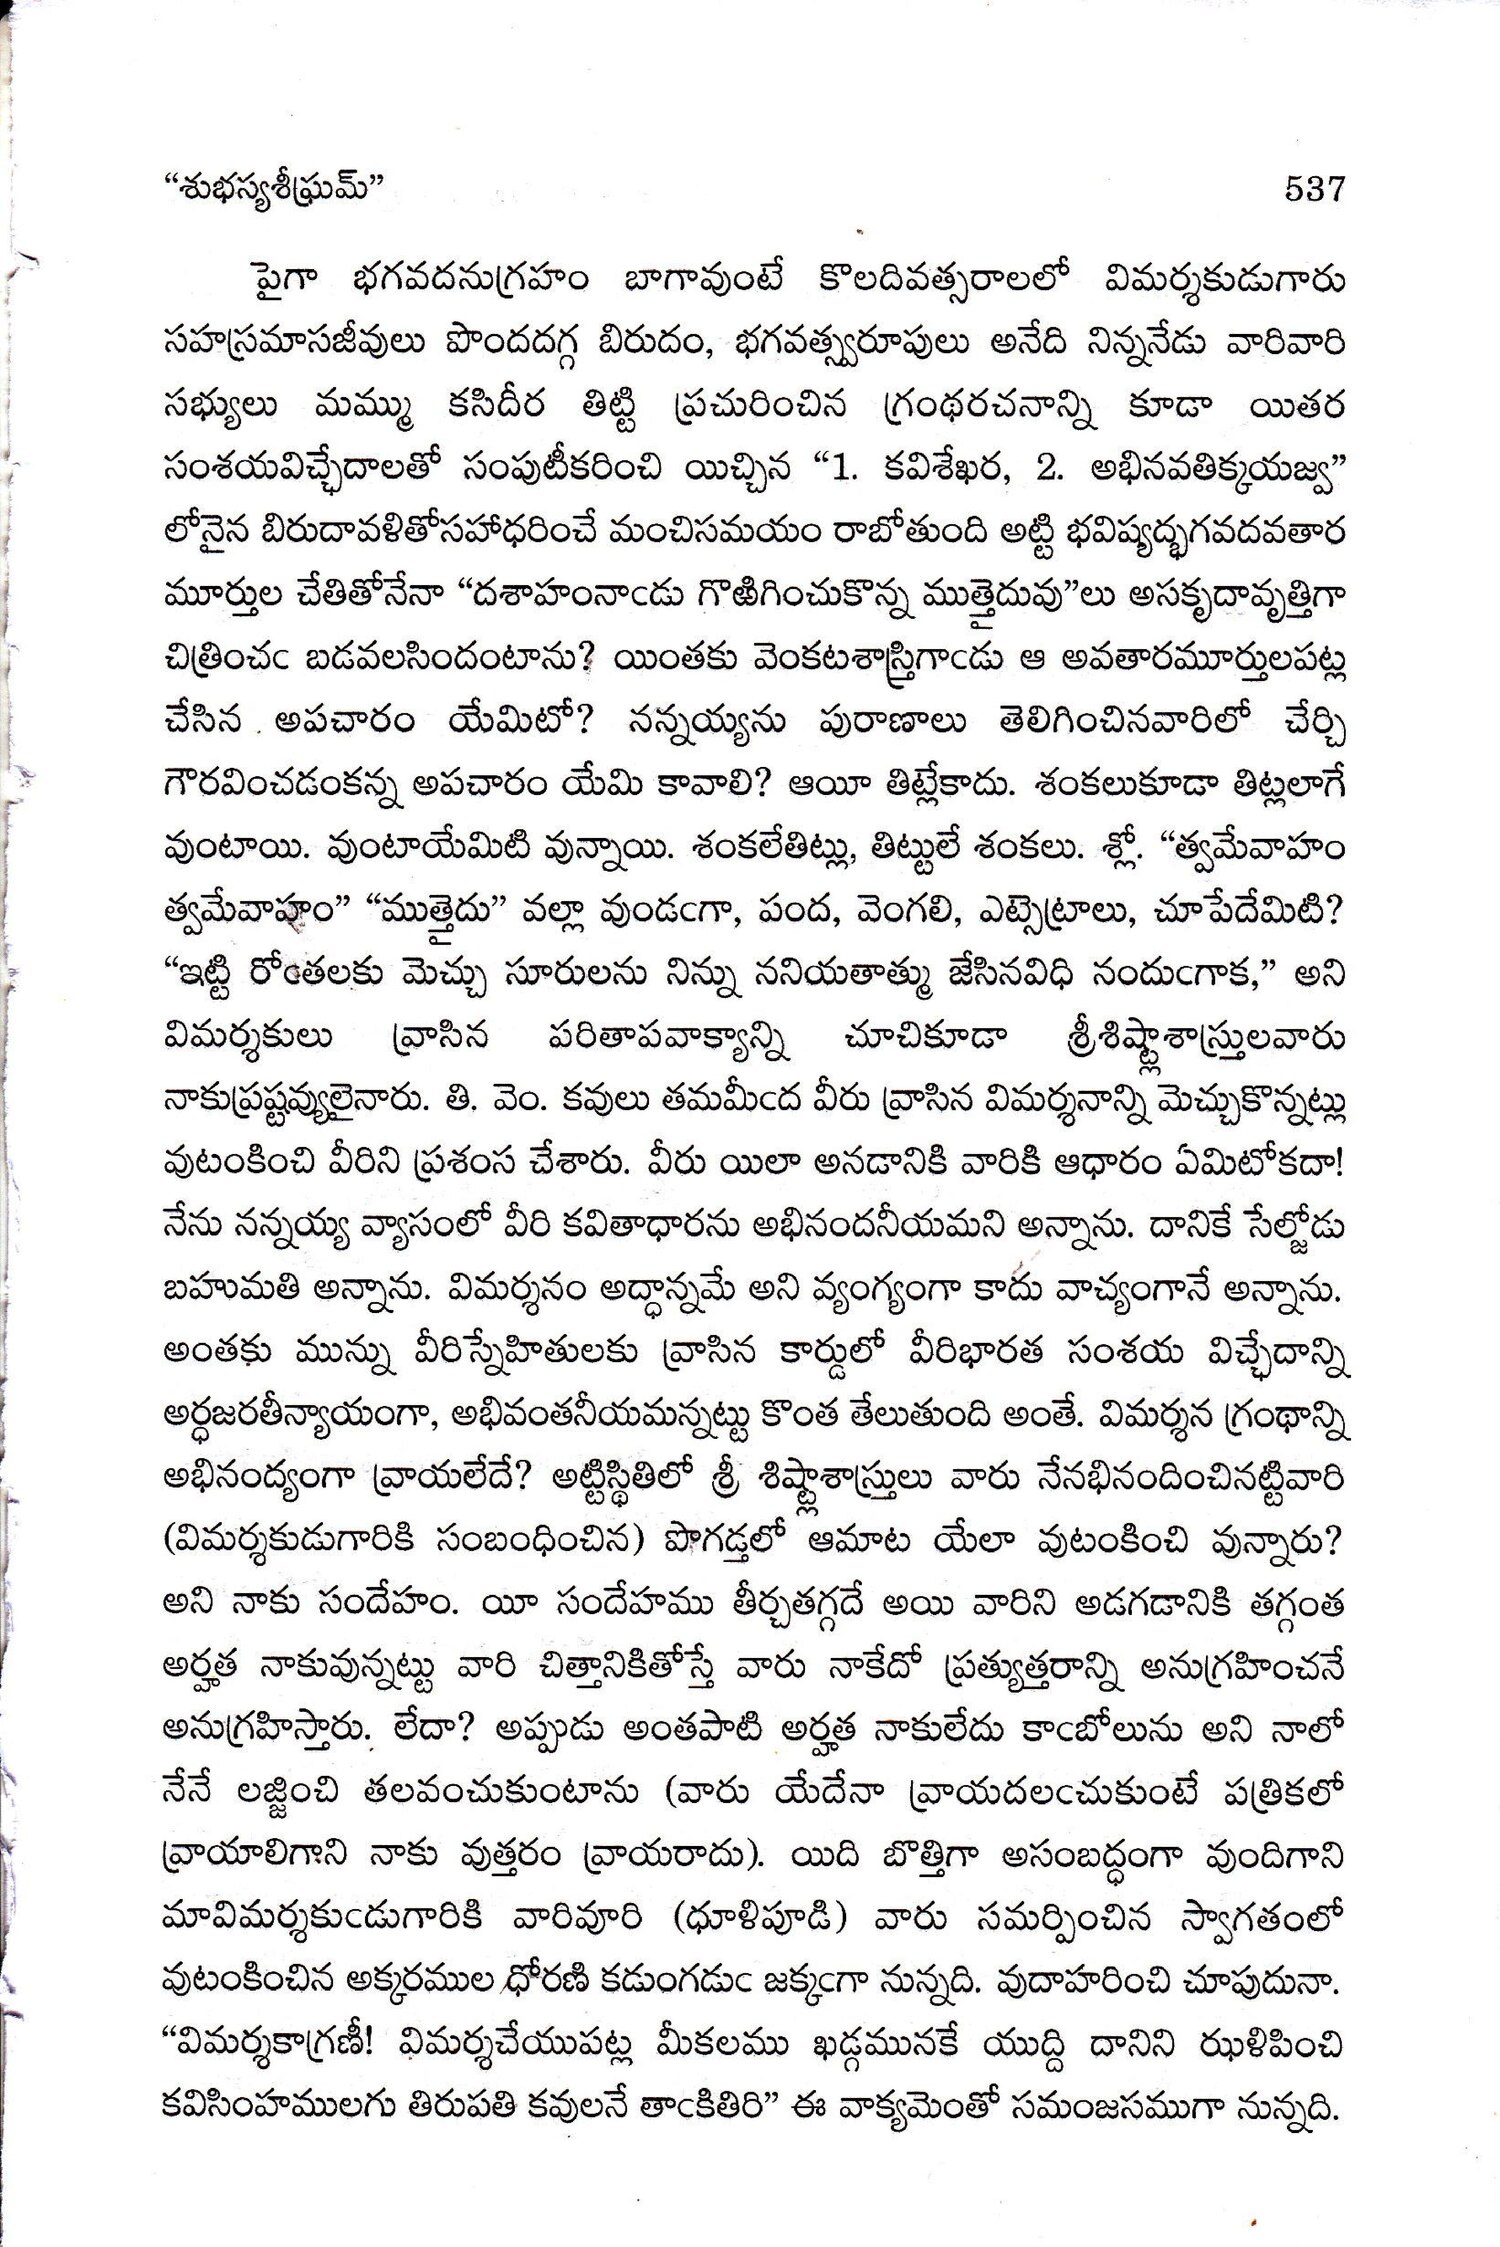పైగా భగవదనుగ్రహం బాగావుంటే కొలదివత్సరాలలో విమర్శకుడుగారు సహస్రమాసజీవులు పొందదగ్గ బిరుదం, భగవత్స్వరూపులు అనేది నిన్ననేడు వారివారి సభ్యులు మమ్ము కసిదీర తిట్టి ప్రచురించిన గ్రంథరచనాన్ని కూడా యితర సంశయవిచ్ఛేదాలతో సంపుటీకరించి యిచ్చిన “1. కవిశేఖర, 2. అభినవతిక్కయజ్వ" లోనైన బిరుదావళితోసహాధరించే మంచిసమయం రాబోతుంది అట్టి భవిష్యద్భగవదవతార మూర్తుల చేతితోనేనా "దశాహంనాఁడు గొఱిగించుకొన్న ముత్తైదువు"లు అసకృదావృత్తిగా చిత్రించఁ బడవలసిందంటాను? యింతకు వెంకటశాస్త్రిగాఁడు ఆ అవతారమూర్తులపట్ల చేసిన అపచారం యేమిటో? నన్నయ్యను పురాణాలు తెలిగించినవారిలో చేర్చి గౌరవించడంకన్న అపచారం యేమి కావాలి? ఆయీ తిట్లేకాదు. శంకలుకూడా తిట్లలాగే వుంటాయి. వుంటాయేమిటి వున్నాయి. శంకలేతిట్లు, తిట్టులే శంకలు. శ్లో "త్వమేవాహం త్వమేవాహం” “ముత్తెదు" వల్లా వుండఁగా, పంద, వెంగలి, ఎట్సెట్రాలు, చూపేదేమిటి? "ఇట్టి రోఁతలకు మెచ్చు సూరులను నిన్ను ననియతాత్ము జేసినవిధి నందుఁగాక,” అని విమర్శకులు వ్రాసిన పరితాపవాక్యాన్ని చూచికూడా శ్రీశిష్ట్లాశాస్త్రులవారు నాకుప్రష్టవ్యులైనారు. తి. వెం. కవులు తమమీఁద వీరు వ్రాసిన విమర్శనాన్ని మెచ్చుకొన్నట్లు వుటంకించి వీరిని ప్రశంస చేశారు. వీరు యిలా అనడానికి వారికి ఆధారం ఏమిటోకదా! నేను నన్నయ్య వ్యాసంలో వీరి కవితాధారను అభినందనీయమని అన్నాను. దానికే సేల్జోడు బహుమతి అన్నాను. విమర్శనం అద్దాన్నమే అని వ్యంగ్యంగా కాదు వాచ్యంగానే అన్నాను. అంతకు మున్ను వీరి స్నేహితులకు వ్రాసిన కార్డులో వీరిభారత సంశయ విచ్ఛేదాన్ని అర్ధజరతీన్యాయంగా, అభివంతనీయమన్నట్టు కొంత తేలుతుంది అంతే. విమర్శన గ్రంథాన్ని అభినంద్యంగా వ్రాయలేదే? అట్టిస్థితిలో శ్రీ శిష్ట్లాశాస్త్రులు వారు నేనభినందించినట్టివారి (విమర్శకుడుగారికి సంబంధించిన) పొగడ్తలో ఆమాట యేలా వుటంకించి వున్నారు? అని నాకు సందేహం. యీ సందేహము తీర్చతగ్గదే అయి వారిని అడగడానికి తగ్గంత అర్హత నాకువున్నట్టు వారి చిత్తానికితోస్తే వారు నాకేదో ప్రత్యుత్తరాన్ని అనుగ్రహించనే అనుగ్రహిస్తారు. లేదా? అప్పుడు అంతపాటి అర్హత నాకులేదు కాఁబోలును అని నాలో నేనే లజ్జించి తలవంచుకుంటాను (వారు యేదేనా వ్రాయదలంచుకుంటే పత్రికలో వ్రాయాలిగాని నాకు వుత్తరం వ్రాయరాదు). యిది బొత్తిగా అసంబద్ధంగా వుందిగాని మావిమర్శకుఁడుగారికి వారివూరి (ధూళిపూడి) వారు సమర్పించిన స్వాగతంలో వుటంకించిన అక్కరముల ధోరణి కడుంగడుc జక్కఁగా నున్నది. వుదాహరించి చూపుదునా, “విమర్శకాగ్రణీ! విమర్శచేయుపట్ల మీకలము ఖడ్గమునకే యుద్ది దానిని ఝళిపించి కవిసింహములగు తిరుపతి కవులనే తాఁకితిరి" ఈ వాక్యమెంతో సమంజసముగా నున్నది.